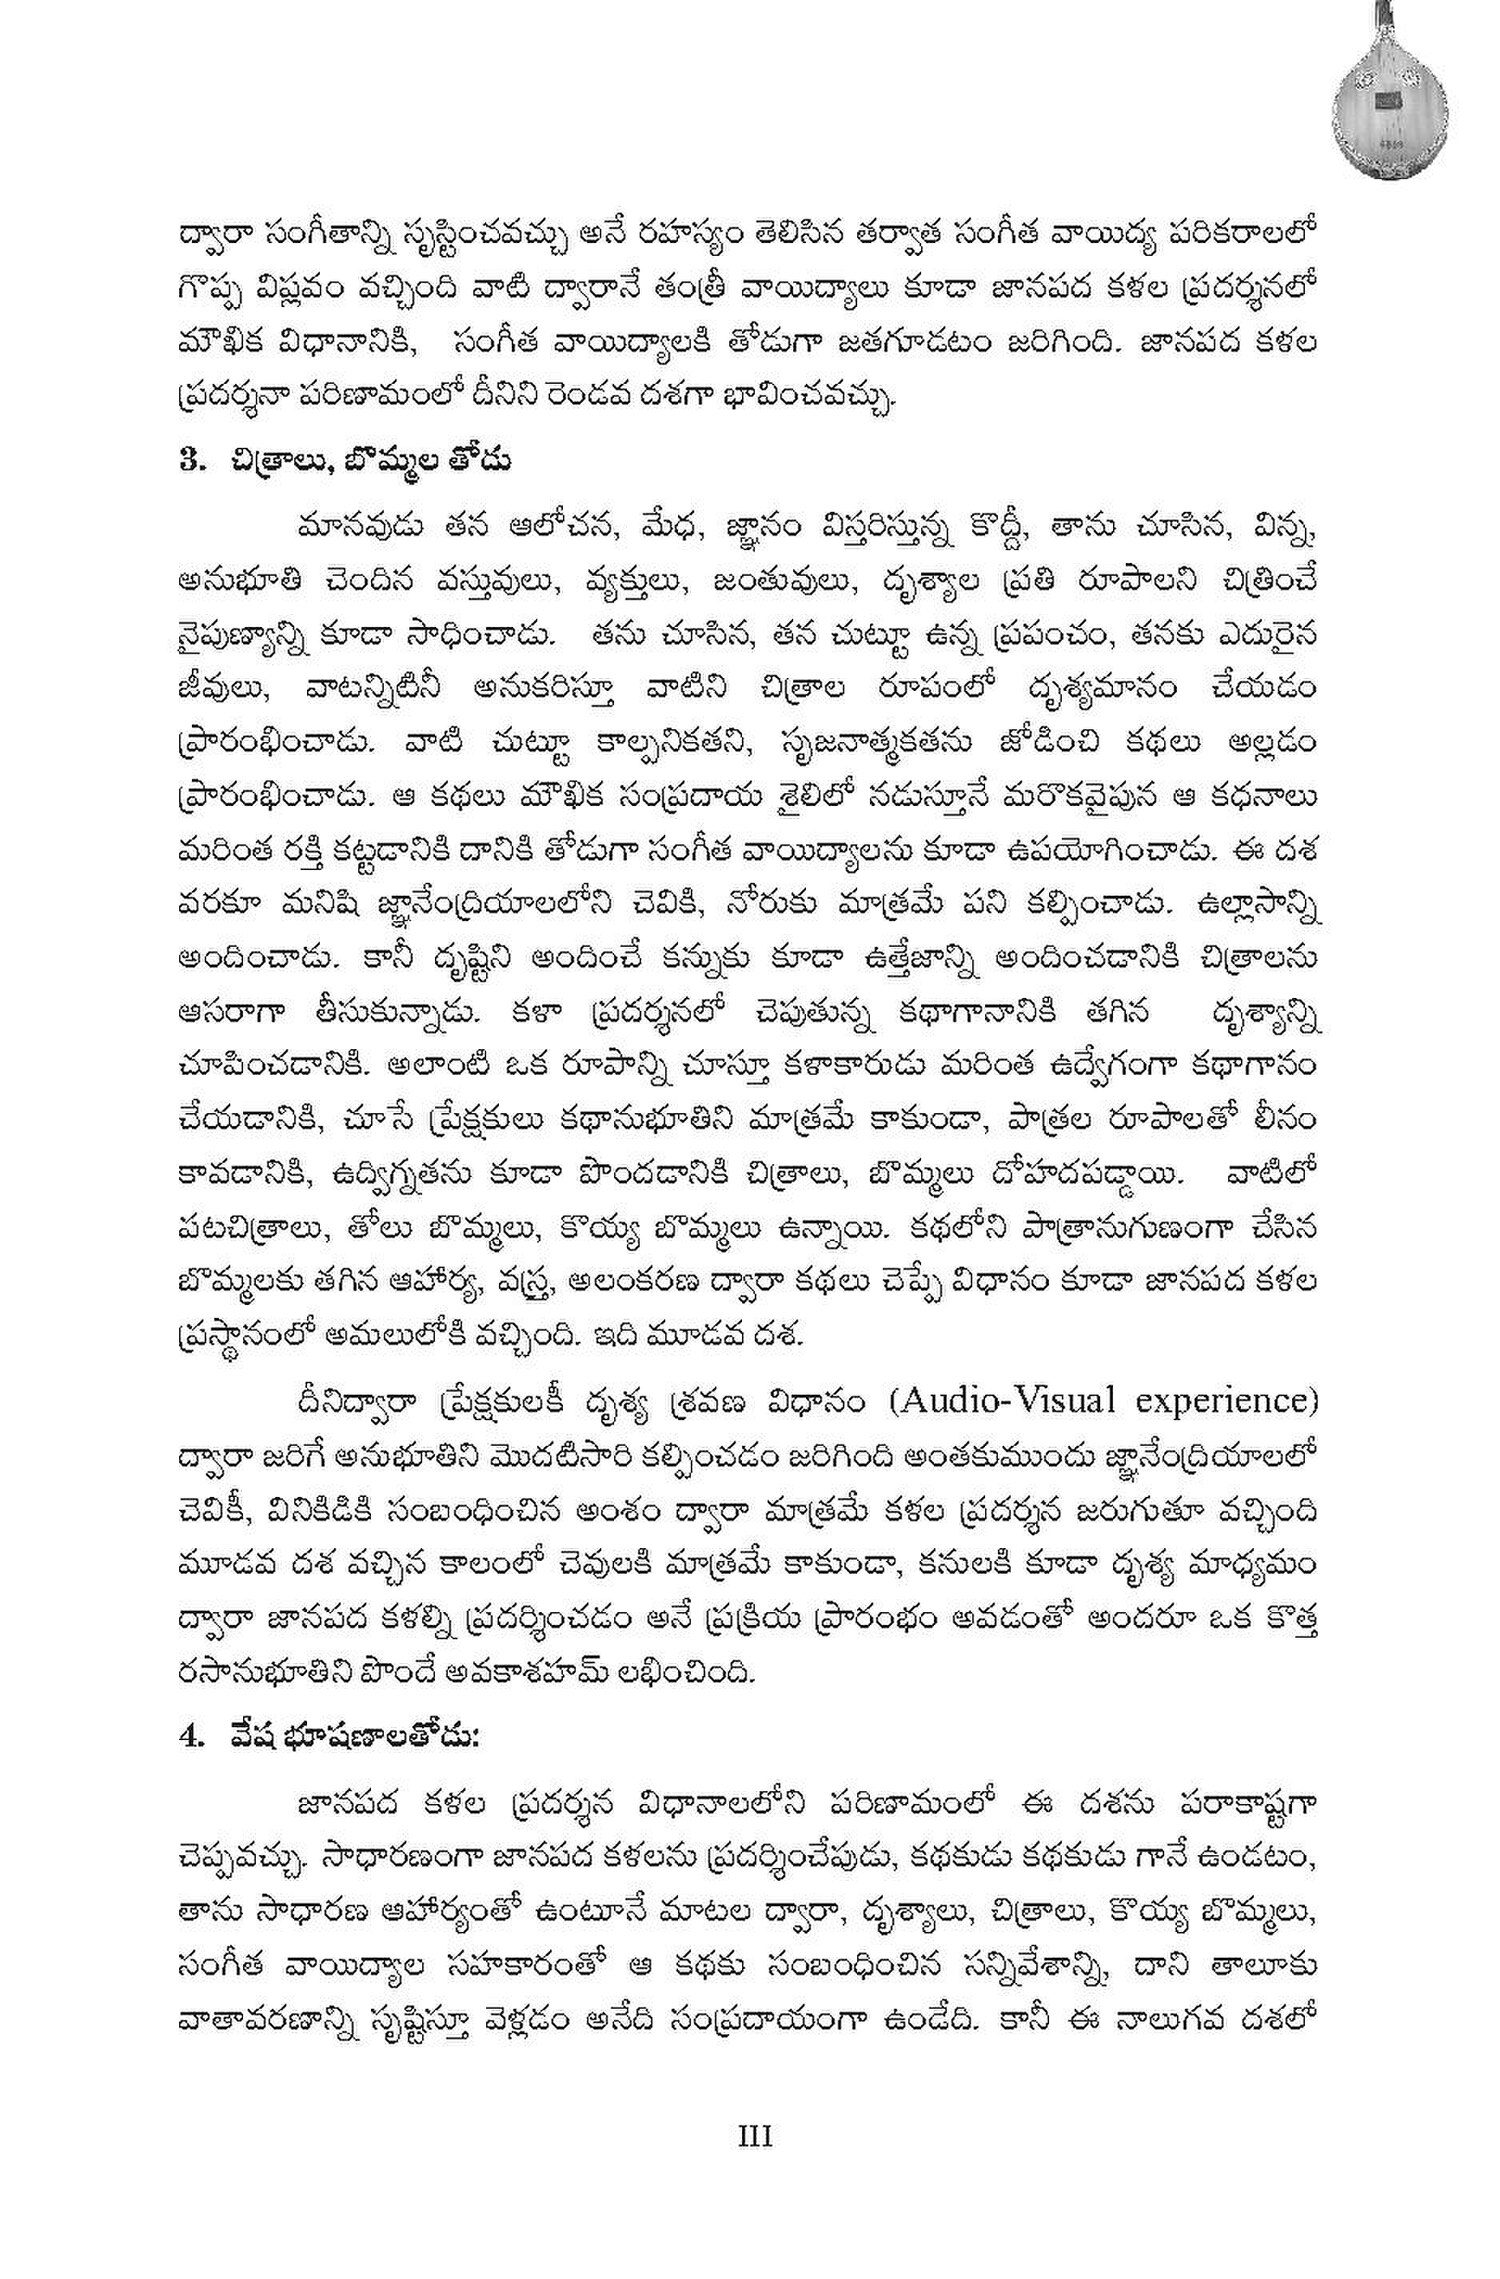ద్వారా సంగీతాన్ని సృస్టించవచ్చు అనే రహస్యం తెలిసిన తర్వాత సంగీత వాయిద్య పరికరాలలో గొప్ప విప్లవం వచ్చింది వాటి ద్వారానే తంత్రీ వాయిద్యాలు కూడా జానపద కళల ప్రదర్శనలో మౌఖిక విధానానికి, సంగీత వాయిద్యాలకి తోడుగా జతగూడటం జరిగింది. జానపద కళల ప్రదర్శనా పరిణామంలో దీనిని రెండవ దశగా భావించవచ్చు.

3. చిత్రాలు, బొమ్మల తోడు 

మానవుడు తన ఆలోచన, మేధ, జ్ఞానం విస్తరిస్తున్న కొద్దీ, తాను చూసిన, విన్న, అనుభూతి చెందిన వస్తువులు, వ్యక్తులు, జంతువులు, దృశ్యాల ప్రతి రూపాలని చిత్రించే నైపుణ్యాన్ని కూడా సాధించాడు. తను చూసిన, తన చుట్టూ ఉన్న ప్రపంచం, తనకు ఎదురైన జీవులు, వాటన్నిటినీ అనుకరిస్తూ వాటిని చిత్రాల రూపంలో దృశ్యమానం చేయడం
ప్రారంభించాడు. వాటి చుట్టూ కాల్పనికతని, సృజనాత్మకతను జోడించి కథలు అల్లడం ప్రారంభించాడు. ఆ కథలు మౌఖిక సంప్రదాయ శైలిలో నడుస్తూనే మరొకవైపున ఆ కధనాలు మరింత రక్తి కట్టడానికి దానికి తోడుగా సంగీత వాయిద్యాలను కూడా ఉపయోగించాడు. ఈ దశ వరకూ మనిషి జ్ఞానేంద్రియాలలోని చెవికి, నోరుకు మాత్రమే పని కల్పించాడు. ఉల్లాసాన్ని
అందించాడు. కానీ దృష్టిని అందించే కన్నుకు కూడా ఉత్తేజాన్ని అందించడానికి చిత్రాలను ఆసరాగా తీసుకున్నాడు. కళా ప్రదర్శనలో చెపుతున్న కథాగానానికి తగిన దృశ్యాన్ని చూపించడానికి. అలాంటి ఒక రూపాన్ని చూస్తూ కళాకారుడు మరింత ఉద్వేగంగా కథాగానం చేయడానికి, చూసే ప్రేక్షకులు కథానుభూతిని మాత్రమే కాకుండా, పాత్రల రూపాలతో లీనం
కావడానికి, ఉద్విగ్నతను కూడా పొందడానికి చిత్రాలు, బొమ్మలు దోహదపడ్డాయి. వాటిలో పటచిత్రాలు, తోలు బొమ్మలు, కొయ్య బొమ్మలు ఉన్నాయి. కథలోని పాత్రానుగుణంగా చేసిన బొమ్మలకు తగిన ఆహార్య, వస్త్ర, అలంకరణ ద్వారా కథలు చెప్పే విధానం కూడా జానపద కళల ప్రస్థానంలో అమలులోకి వచ్చింది. ఇది మూడవ దశ.

దీనిద్వారా ప్రేక్షకులకీ దృశ్య శ్రవణ విధానం (Audio Visual experience) ద్వారా జరిగే అనుభూతిని మొదటిసారి కల్పించడం జరిగింది అంతకుముందు జ్ఞానేంద్రియాలలో చెవికీ, వినికిడికి సంబంధించిన అంశం ద్వారా మాత్రమే కళల ప్రదర్శన జరుగుతూ వచ్చింది మూడవ దశ వచ్చిన కాలంలో చెవులకి మాత్రమే కాకుండా, కనులకి కూడా దృశ్య మాధ్యమం ద్వారా జానపద కళల్ని ప్రదర్శించడం అనే ప్రక్రియ ప్రారంభం అవడంతో అందరూ ఒక కొత్త రసానుభూతిని పొందే అవకాశహమ్ లభించింది.

4. వేష భూషణాలతోడు:

జానపద కళల ప్రదర్శన విధానాలలోని పరిణామంలో ఈ దశను పరాకాష్టగా చెప్పవచ్చు. సాధారణంగా జానపద కళలను ప్రదర్శించేపుడు, కథకుడు కథకుడు గానే ఉండటం, తాను సాధారణ ఆహార్యంతో ఉంటూనే మాటల ద్వారా, దృశ్యాలు, చిత్రాలు, కొయ్య బొమ్మలు, సంగీత వాయిద్యాల సహకారంతో ఆ కథకు సంబంధించిన సన్నివేశాన్ని, దాని తాలూకు
వాతావరణాన్ని సృష్టిస్తూ వెళ్లడం అనేది సంప్రదాయంగా ఉండేది. కానీ ఈ నాలుగవ దశలో